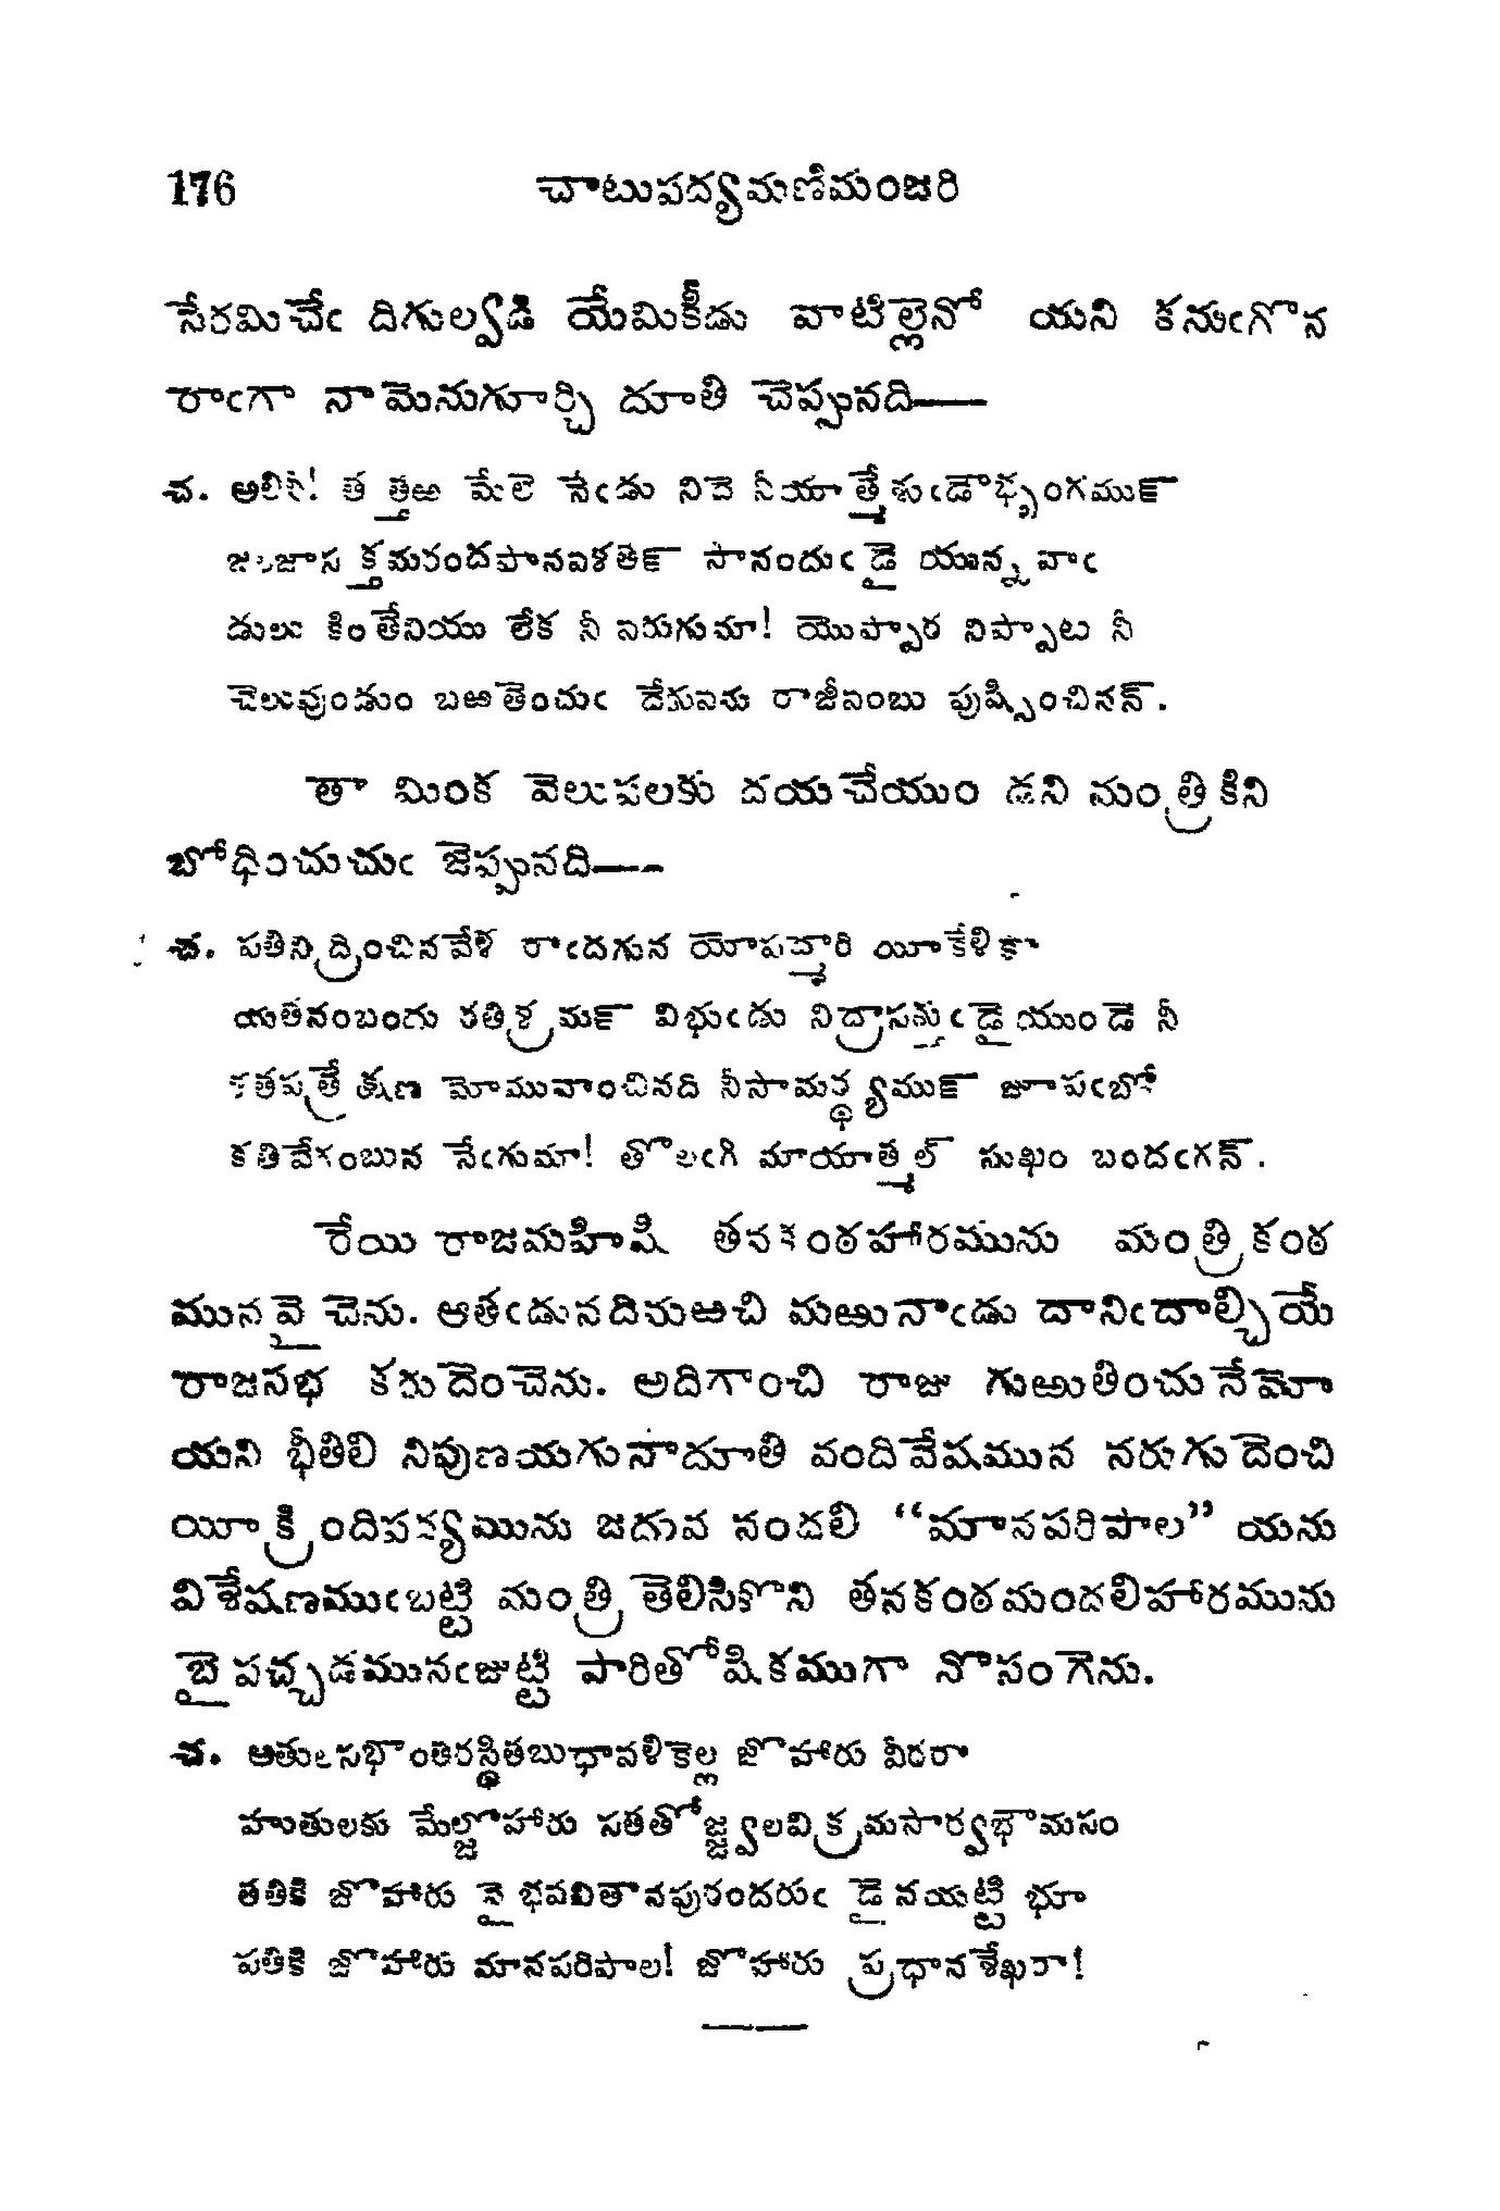సేరమిచేఁ దిగుల్వడి యేమికీడు వాటిల్లెనో యని కనుఁగొనరాఁగా నామెనుగూర్చి దూతి చెప్పునది—
మ. అలినీ! తత్తఱమేలె నేఁడు నిదె నీయాత్మేశుఁడౌ భృంగమున్
 జలజాసక్తమరందపానవశతన్ సానందుఁడై యున్నవాఁ
 డులు కింతేనియు లేక నీ వరుగుమా! యొప్పార నిప్పాట నీ
 చెలువుండుం బఱతెంచుఁ దేకువము రాజీవంబు పుష్పించినన్.
తా మింక వెలుపలకు దయచేయుం డని మంత్రికిని సంబోధించుచుఁ జెప్పునది—
మ. పతి నిద్రించినవేళ రాఁదగున యోపద్మారి! యీకేళికా
 యతనంబందు రతిశ్రమన్ విభుఁడు నిద్రాసక్తుఁడై యుండె నీ
 శతపత్రేక్షణ మోము వాంచినది నీసామర్థ్యమున్ జూపఁబో
 కతివేగంబున నేఁగునా! తొలఁగి మాయాత్మల్ సుఖం బందఁగన్.
రేయి రాజమహిషి తనకంఠహారమును మంత్రికంఠమున వైచెను. ఆతఁడు నది మఱచి మఱునాఁడు దానిఁ దాల్చియే రాజసభ కరుదెంచెను. అది గాంచి రాజు గుఱుతించునేమో యని భీతిలి నిపుణయగు నాదూతి వందివేషమున నరుగుదెంచి యీక్రిందిపద్యమును జదువ నందలి “మానపరిపాల” యనువిశేషణముఁ బట్టి మంత్రి తెలిసికొని తనకంఠమందలి హారమును బైపచ్చడమునఁ జుట్టి పారితోషికముగా నొసంగెను.
చ. అతులసభాంతరస్థితబుధావళికెల్ల జొహారు వీరరా
 హుతులకు మేల్జొహారు సతతోజ్జ్వలవిక్రమసార్వభౌమసం
 తతికి జొహారు వైభవవితానపురందరుఁ డైనయట్టి భూ
 పతికి జొహారు మానపరిపాల! జొహారు ప్రధానశేఖరా!